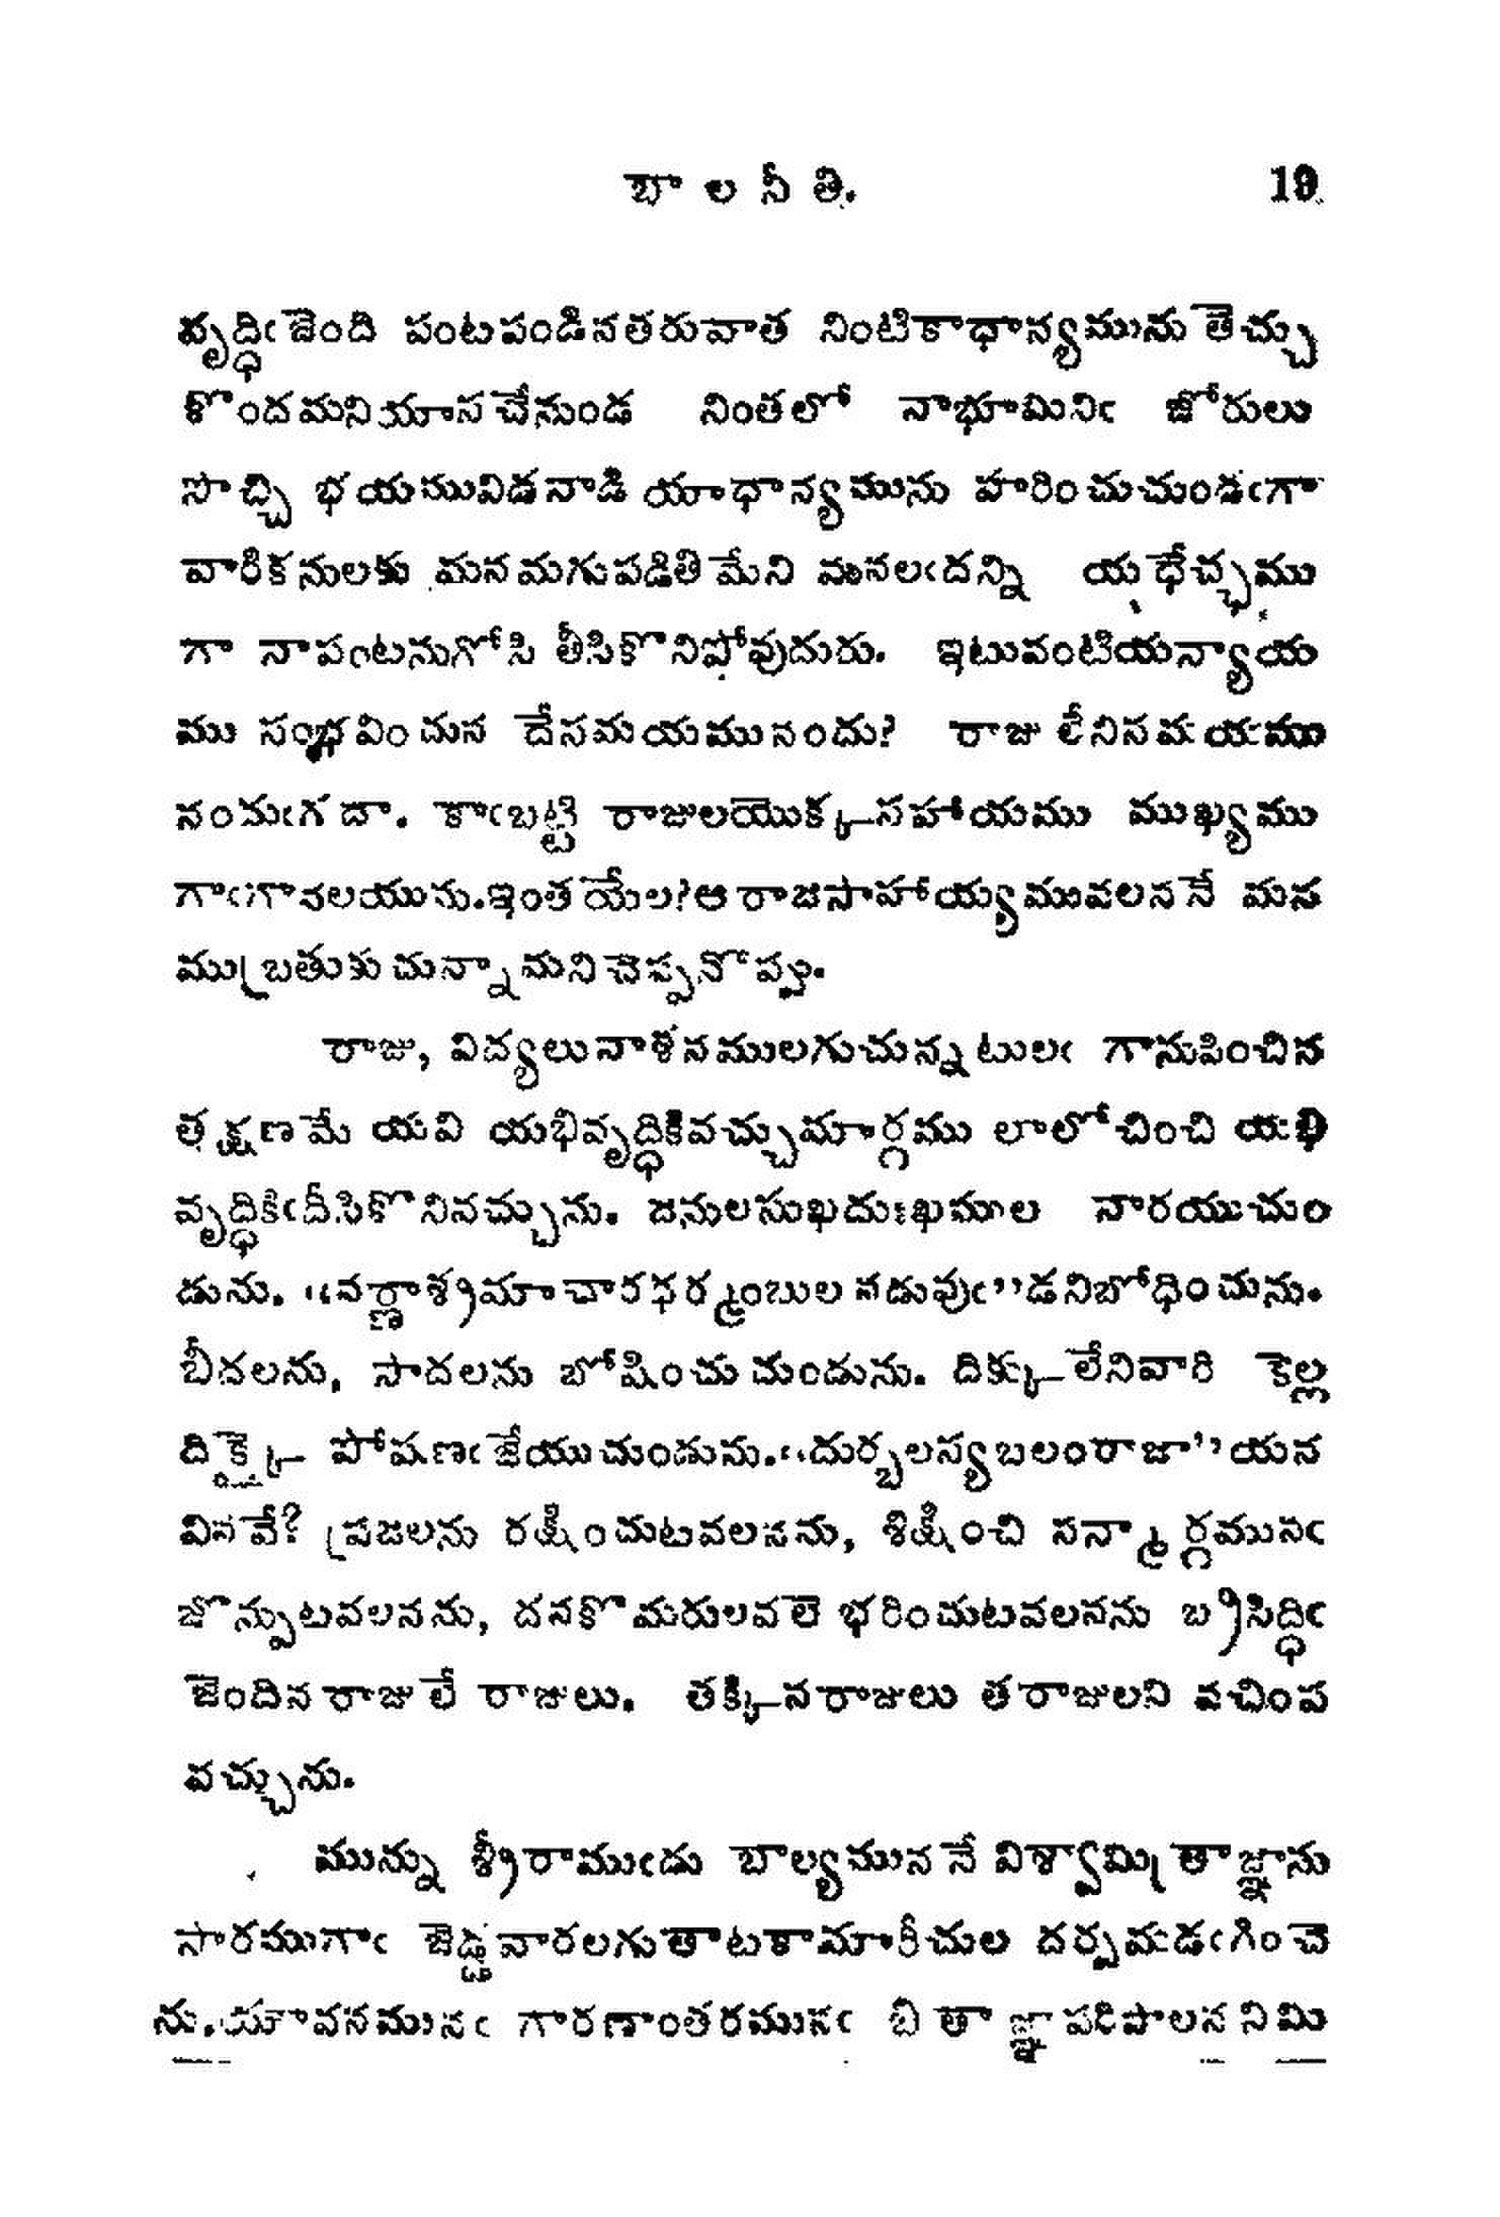వృద్ధిఁజెంది పంటపండినతరువాత నింటికాధాన్యమును తెచ్చు
కొందమనియాసచేనుండ నింతలో నాభూమినిఁ జోరులు 
సొచ్చి భయమువిడనాడి యాధాన్యమును హరించుచుండఁగా 
వారికనులకు మనమగుపడితిమేని మనలఁదన్ని యెధేచ్ఛము
గా నాపంటనుగోసి తీసికొనిపోవుదురు. ఇటువంటియన్యాయ
ము సంభవించున దేసమయమునందు? రాజు లేనిసమయము
నందుఁగదా కాఁబట్టి రాజులయొక్కసహాయము ముఖ్యము
గాఁగావలయును. ఇంతయేల? ఆరాజసహాయ్యమువలననే మన
ముబ్రతుకుచున్నామని చెప్పనొప్పు.

రాజు, విద్యలునాశనములగుచున్నటులఁ గానుపించిన 
తక్షణమే యవి యభివృద్ధికివచ్చుమార్గము లాలోచించి యభి
వృద్దికిఁదీసికొనివచ్చును. జనులసుఖదుఃఖముల నారయుచుం
డును. "వర్ణాశ్రమాచారధర్మంబుల నడుపుఁ"డనిబోధించును. 
బీదలను, సాదలను బోషించుచుండును. దిక్కులేనివారి కెల్ల 
దిక్కై పోషణఁజేయుచుండును. "దుర్బలస్యబలంరాజా" యన 
వినవే? ప్రజలను రక్షించుచుటవలనను, శిక్షించి సన్మార్గమునఁ 
జొన్పుటవలనను, దనకొమరులవలె భరించుటవలనను బ్రసిద్దిఁ
జెందిన రాజులే రాజులు. తక్కినరాజులు తరాజులని వచింప
వచ్చును.

మున్ను శ్రీరాముఁడు బాల్యముననే విశ్వామిత్రాజ్ఞాను 
సారముగాఁ జెడ్డవారలగుతాటకామారీచుల దర్పమడఁగించె
ను. యౌవనమునఁ గారణాంతరమునఁ బిత్రాజ్ఞాపరిపాలన నిమి